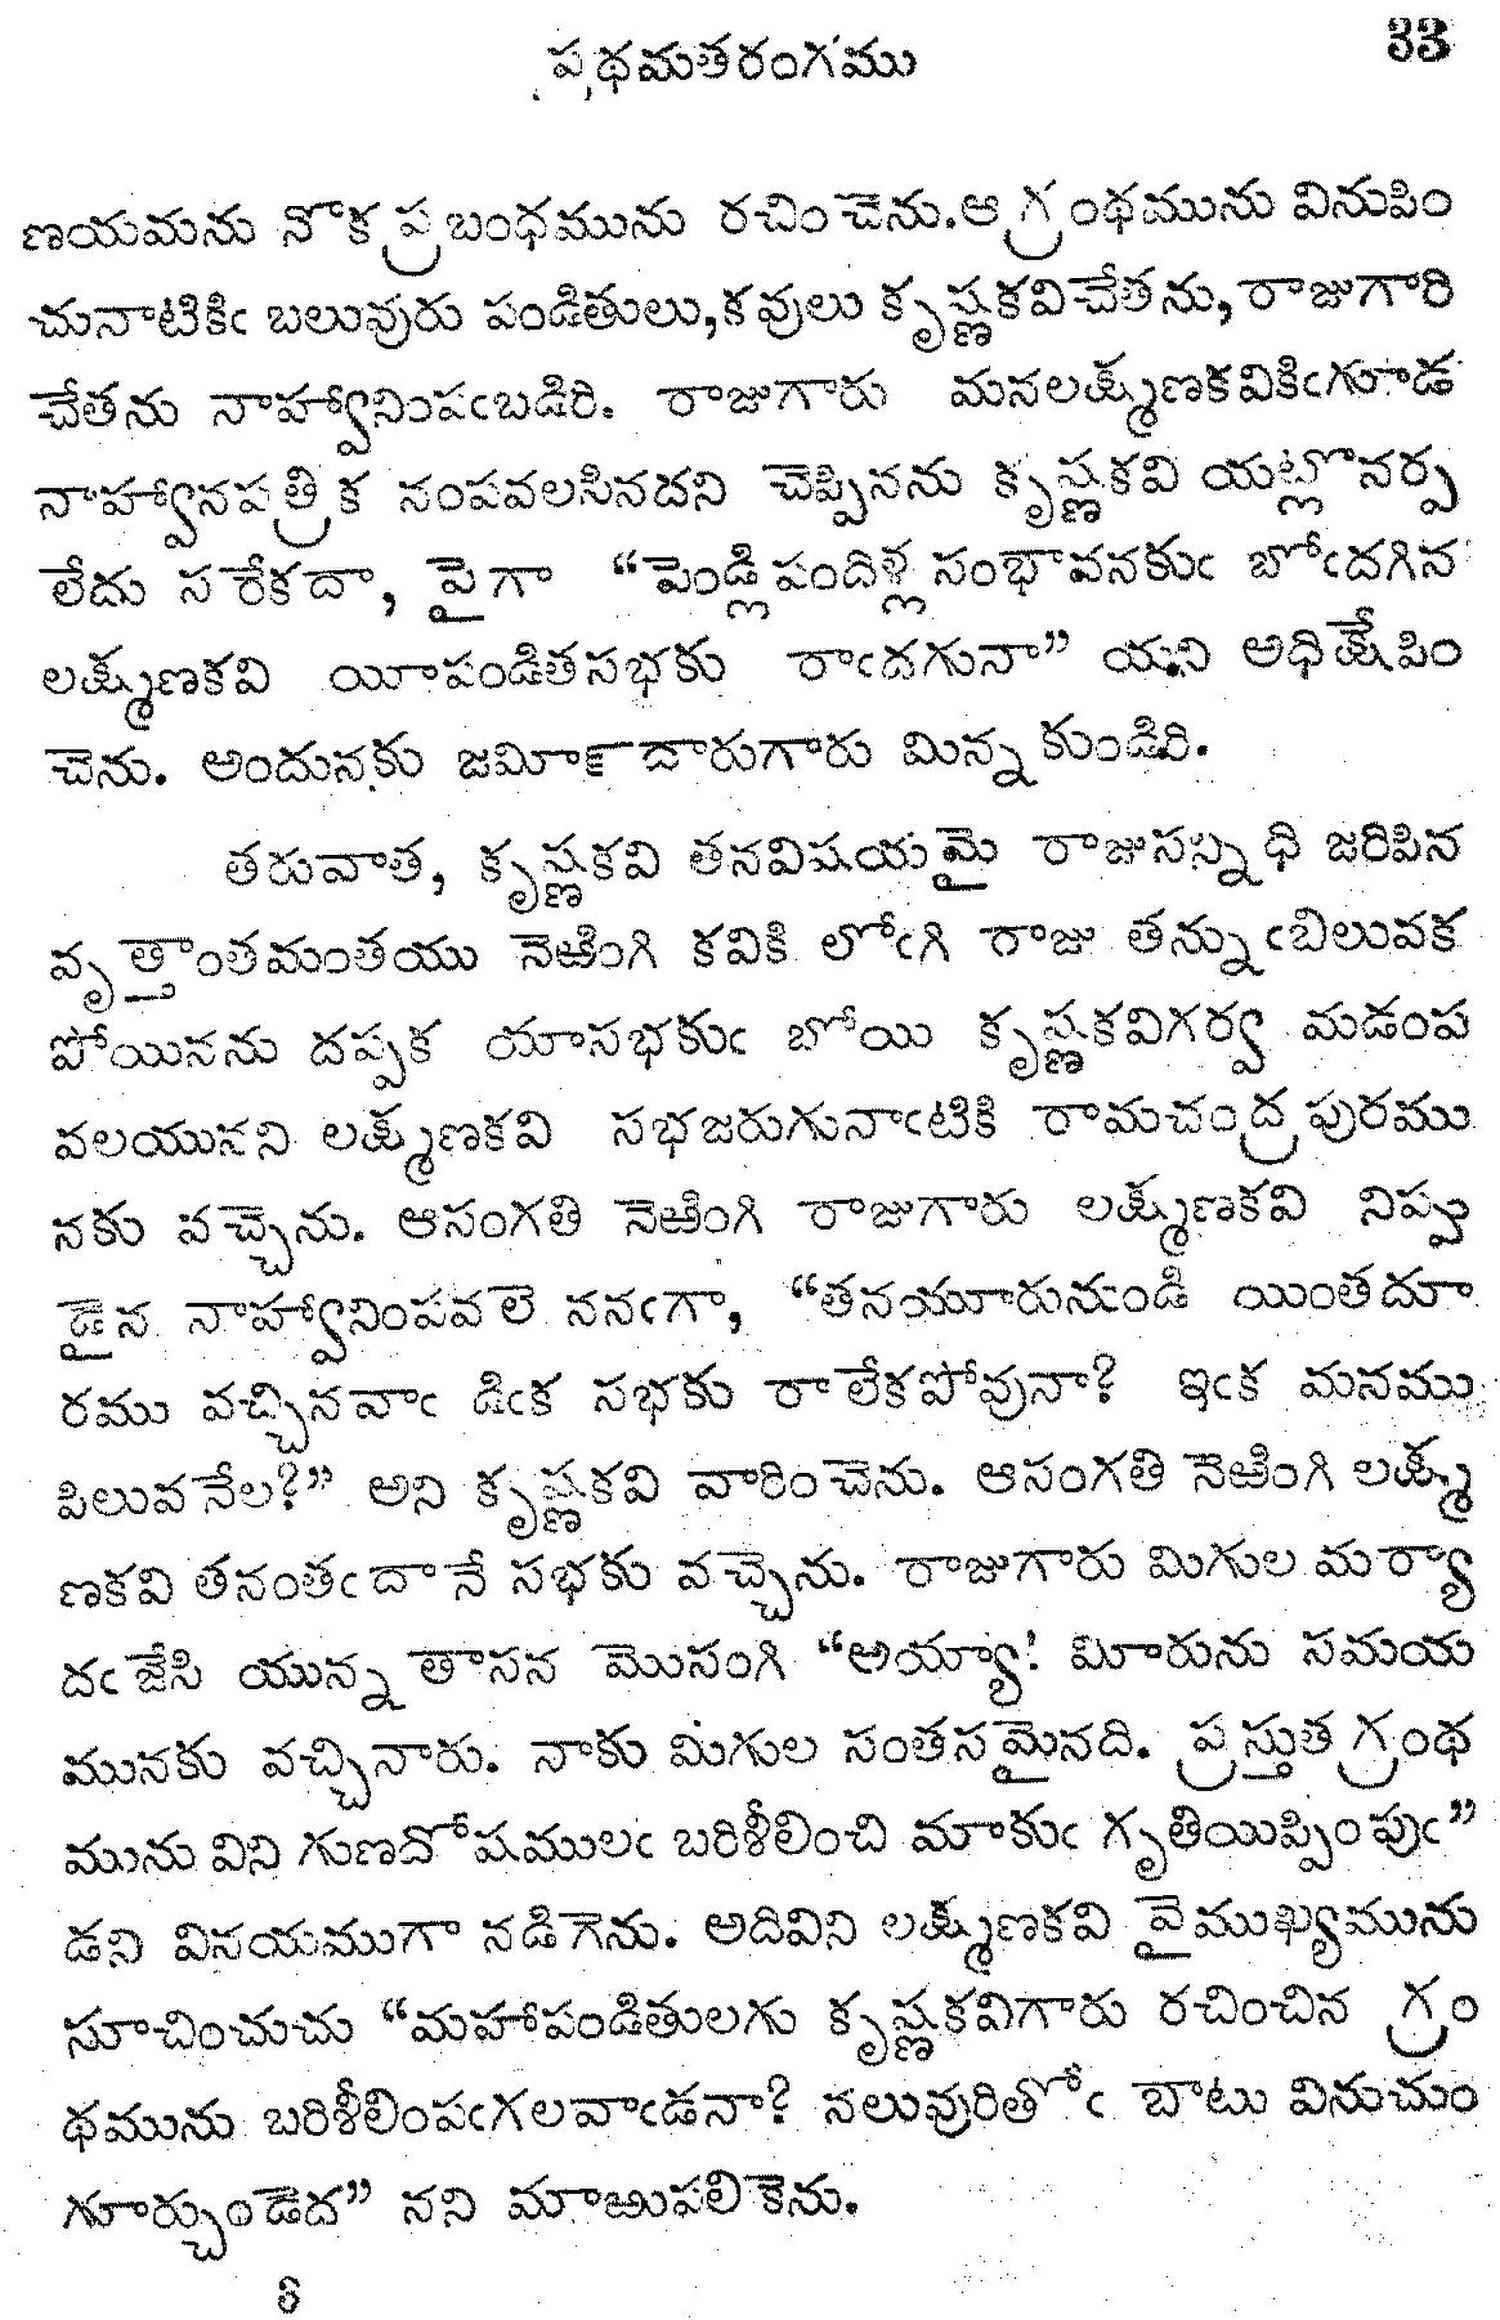ణయమను ప్రబంధము రచించెను. ఆగ్రంథమును వినుపించునాటికిఁ బలువురు పండితులు, కవులు కృష్ణకవిచేతను, రాజుగారిచేతను నాహ్వానింపఁబడిరి. రాజుగారు మనలక్ష్మణకవికిఁగూడ నాహ్వానపత్రిక నంపవలసినదిని చెప్పినను కృష్ణకవి యట్లొనర్పలేదు సరేకదా, పైగా “పెండ్లిపందిళ్ళసంభవనకుఁ బోఁదగిన లక్ష్మణకవి యీపండితసభకు రాఁదగునా” యని అధిక్షేపించెను. అందునకు జమీన్దారుగారు మిన్నకుండిరి.

తరువాత, కృష్ణకవి తనవిషయమై రాజుసన్నిధి జరిపిన వృత్తాంతమంతయు నెఱింగి కవికి లోఁగి రాజు తన్నుఁ బిలువకపోయినను దప్పక యాసభకుఁ బోయి కృష్ణకవిగర్వ మడంపవలయునని లక్ష్మణకవి సభజరుగునాఁటికి రామచంద్రపురమునకు వచ్చెను. ఆసంగతి నెఱింగి రాజుగారు లక్ష్మణకవి నిప్పుడైన నాహ్వానింపవలె ననఁగా, “తనయూరునుండి యింతదూరము వచ్చినవాఁ డిఁక సభకు రాలేకపోవునా? ఇఁక మనము పిలువనేల?” అని కృష్ణకవి వారించెను. ఆసంగతి నెఱింగి లక్ష్మణకవి తనంతఁదానే సభకు వచ్చెను. రాజుగారు మిగులమర్యాదఁజేసి యున్నతాసన మొసంగి “అయ్యా! మీరును సమయమునకు వచ్చినారు. నాకు మిగులసంతసమైనది. ప్రస్తుతగ్రంథమును విని గుణదోషములఁ బరిశీలించి మాకుఁ గృతియిప్పింపుఁ” డని వినయముగా నడిగెను. అదివిని లక్ష్మణకవి వైముఖ్యమును సూచించుచు “మహాపండితులగు కృష్ణకవిగారు రచించిన గ్రంథమును బరిశీలింపఁగలవాఁడనా? నలువురితోఁ బాటు వినుచుం గూర్చుండెద” నని మాఱుపలికెను.